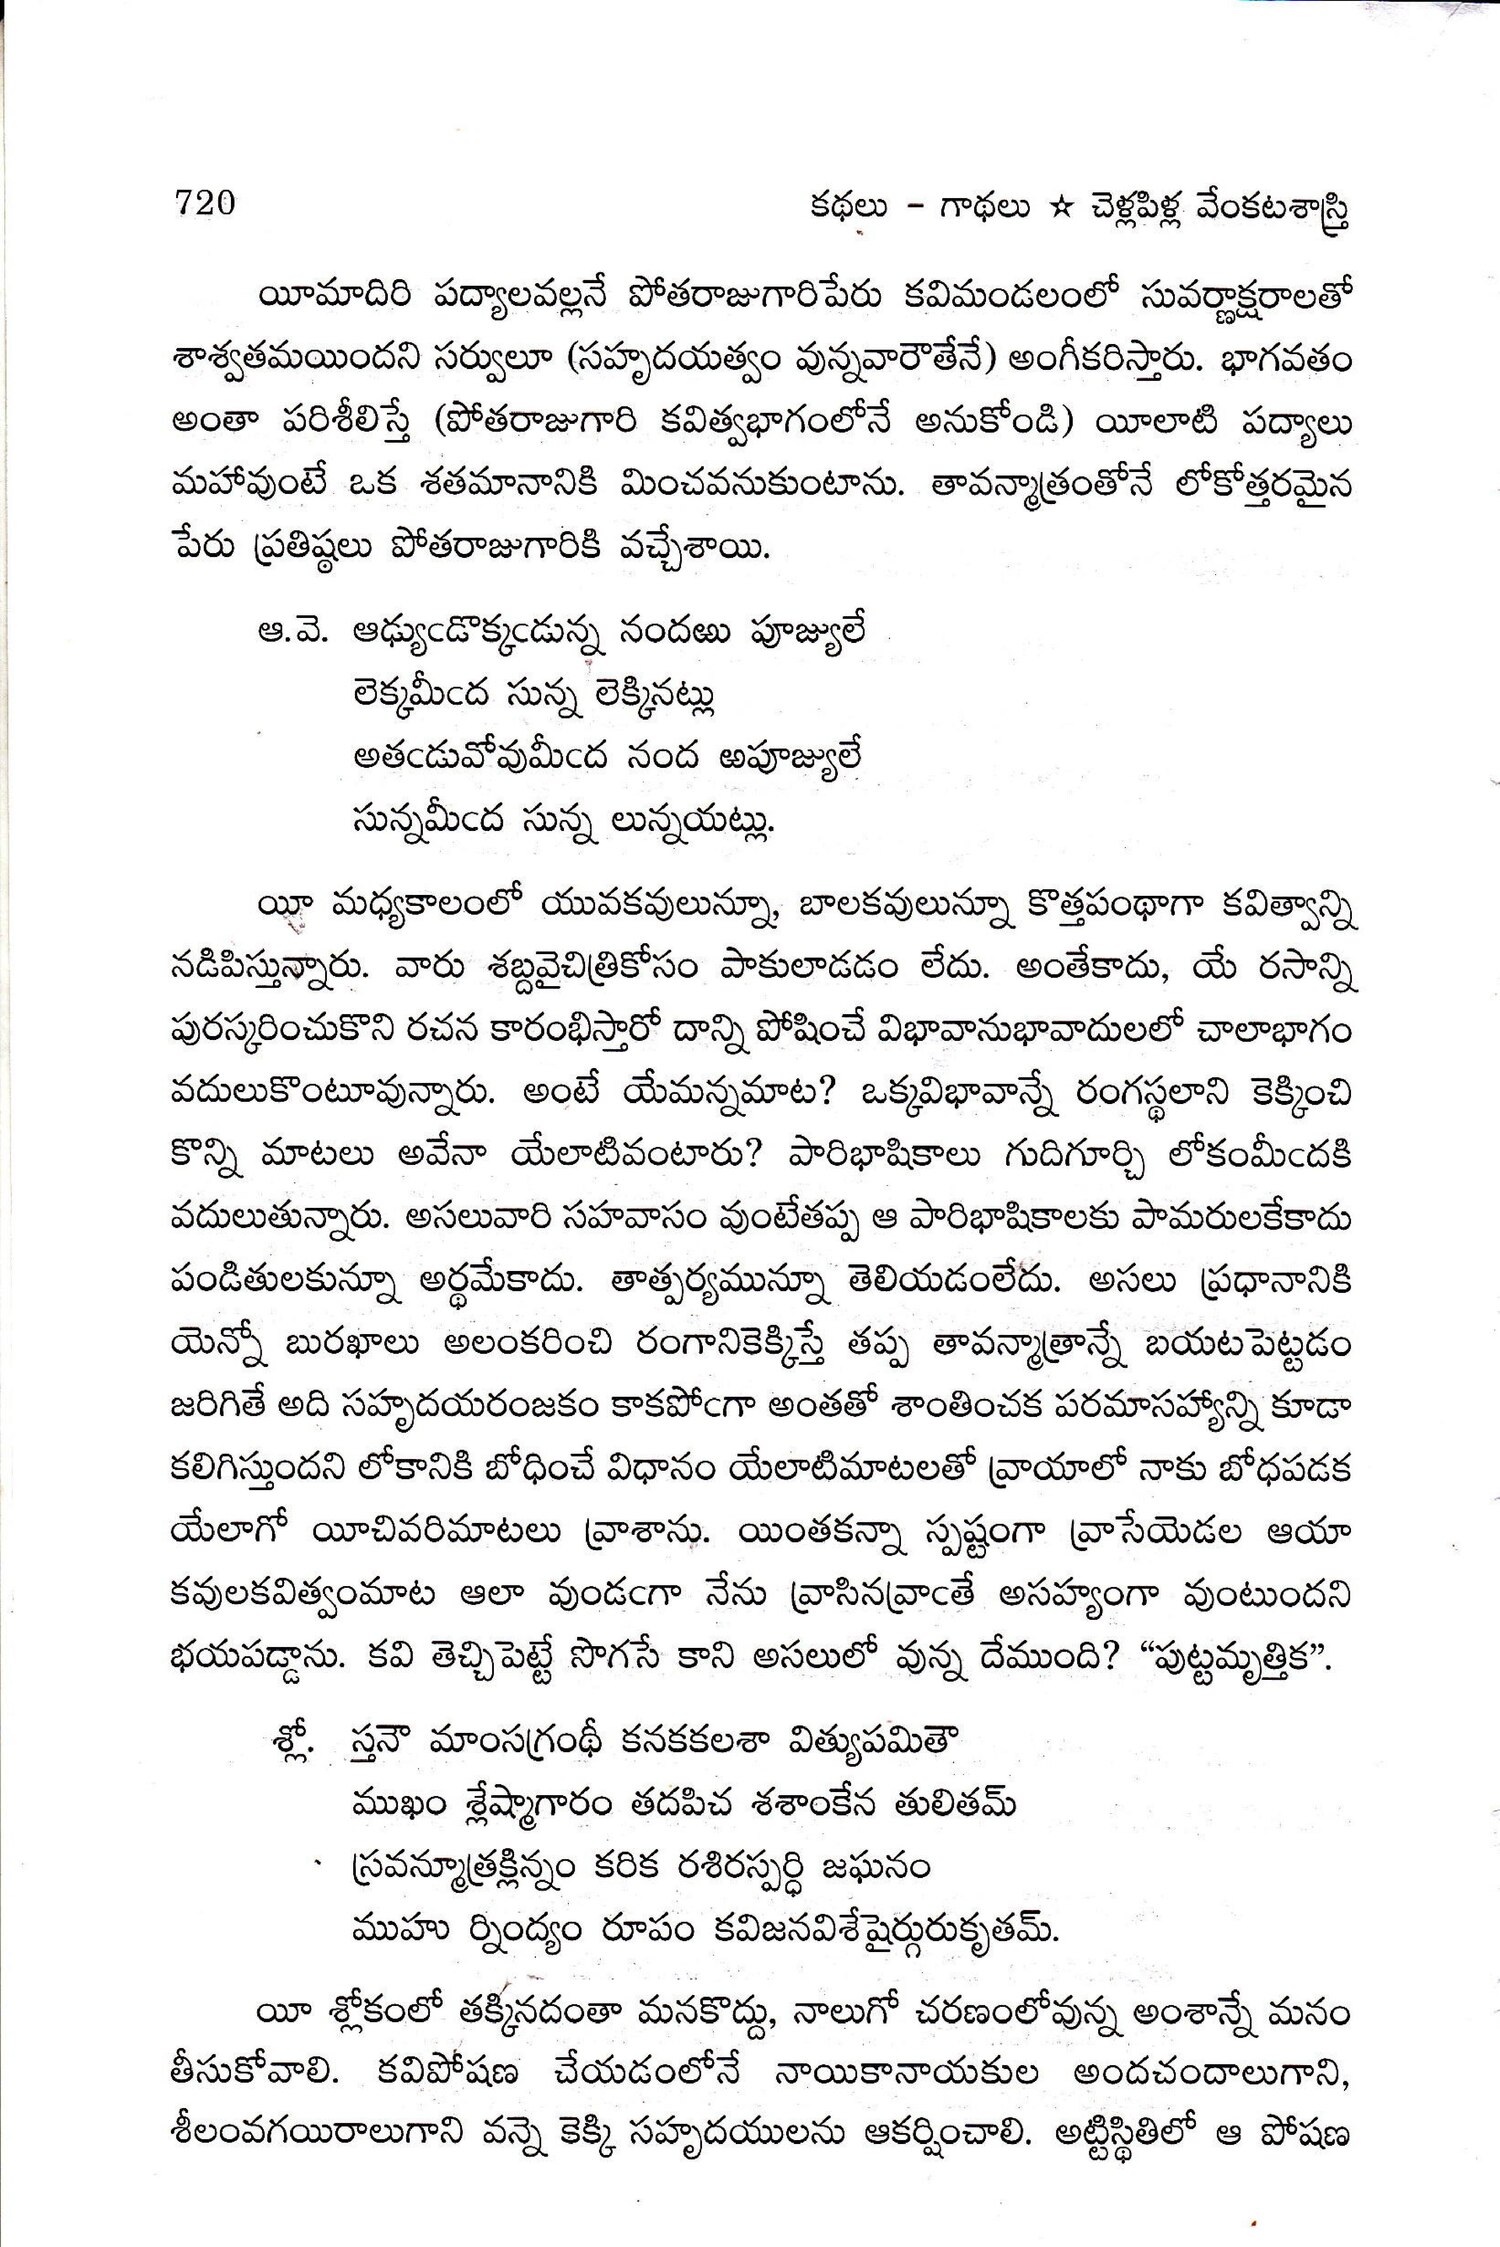యీమాదిరి పద్యాలవల్లనే పోతరాజుగారిపేరు కవిమండలంలో సువర్ణాక్షరాలతో శాశ్వతమయిందని సర్వులూ (సహృదయత్వం వున్నవారౌతేనే) అంగీకరిస్తారు. భాగవతం అంతా పరిశీలిస్తే (పోతరాజుగారి కవిత్వభాగంలోనే అనుకోండి) యిలాటి పద్యాలు మహావుంటే ఒక శతమానానికి మించవనుకుంటాను. తావన్మాత్రంతోనే లోకోత్తరమైన పేరు ప్రతిష్ఠలు పోతరాజుగారికి వచ్చేశాయి.

ఆ.వె. ఆఢ్యుఁడొక్కఁడున్న నందఱు పూజ్యులే
 లెక్కమీఁద సున్న లెక్కినట్లు 
 అతఁడువోవుమీఁద నంద ఱపూజ్యులే 
 సున్నమీఁద సున్న లున్నయట్లు.
యీ మధ్యకాలంలో యువకవులున్నూ బాలకవులున్నూ కొత్తపంథాగా కవిత్వాన్ని నడిపిస్తున్నారు. వారు శబ్దవైచిత్రికోసం పాకులాడడం లేదు. అంతేకాదు, యే రసాన్ని పురస్కరించుకొని రచన కారంభిస్తారో దాన్ని పోషించే విభావానుభావాదులలో చాలాభాగం వదులుకొంటూవున్నారు. అంటే యేమన్నమాట? ఒక్కవిభావాన్నే రంగస్థలాని కెక్కించి కొన్ని మాటలు అవేనా యేలాటివంటారు? పారిభాషికాలు గుదిగూర్చి లోకంమీఁదకి వదులుతున్నారు. అసలువారి సహవాసం వుంటేతప్ప ఆ పారిభాషికాలకు పామరులకేకాదు పండితులకున్నూ అర్థమేకాదు. తాత్పర్యమున్నూ తెలియడంలేదు. అసలు ప్రధానానికి యెన్నో బురఖాలు అలంకరించి రంగానికెక్కిస్తే తప్ప తావన్మాత్రాన్నే బయటపెట్టడం జరిగితే అది సహృదయరంజకం కాకపోఁగా అంతతో శాంతించక పరమాసహ్యాన్ని కూడా కలిగిస్తుందని లోకానికి బోధించే విధానం యేలాటిమాటలతో వ్రాయాలో నాకు బోధపడక యేలాగో యీచివరిమాటలు వ్రాశాను. యింతకన్నా స్పష్టంగా వ్రాసేయెడల ఆయా కవులకవిత్వంమాట ఆలా వుండంగా నేను వ్రాసినవ్రాఁతే అసహ్యంగా వుంటుందని భయపడ్డాను. కవి తెచ్చిపెట్టే సొగసే కాని అసలులో వున్న దేముంది? "పుట్టమృత్తిక".

శ్లో. స్తనౌ మాంసగ్రంథీ కనకకలశా విత్యుపమితౌ
 ముఖం శ్లేష్మాగారం తదపిచ శశాంకేన తులితమ్ 
 స్రవన్మూత్రక్లిన్నం కరిక రశిరస్పర్ధి జఘనం
 ముహు ర్నింద్యం రూపం కవిజనవిశేషైర్గురుకృతమ్. 
యీ శ్లోకంలో తక్కినదంతా మనకొద్దు నాలుగో చరణంలోవున్న అంశాన్నే మనం తీసుకోవాలి. కవిపోషణ చేయడంలోనే నాయికానాయకుల అందచందాలుగాని, శీలంవగయిరాలుగాని వన్నె కెక్కి సహృదయులను ఆకర్షించాలి. అట్టిస్థితిలో ఆ పోషణ